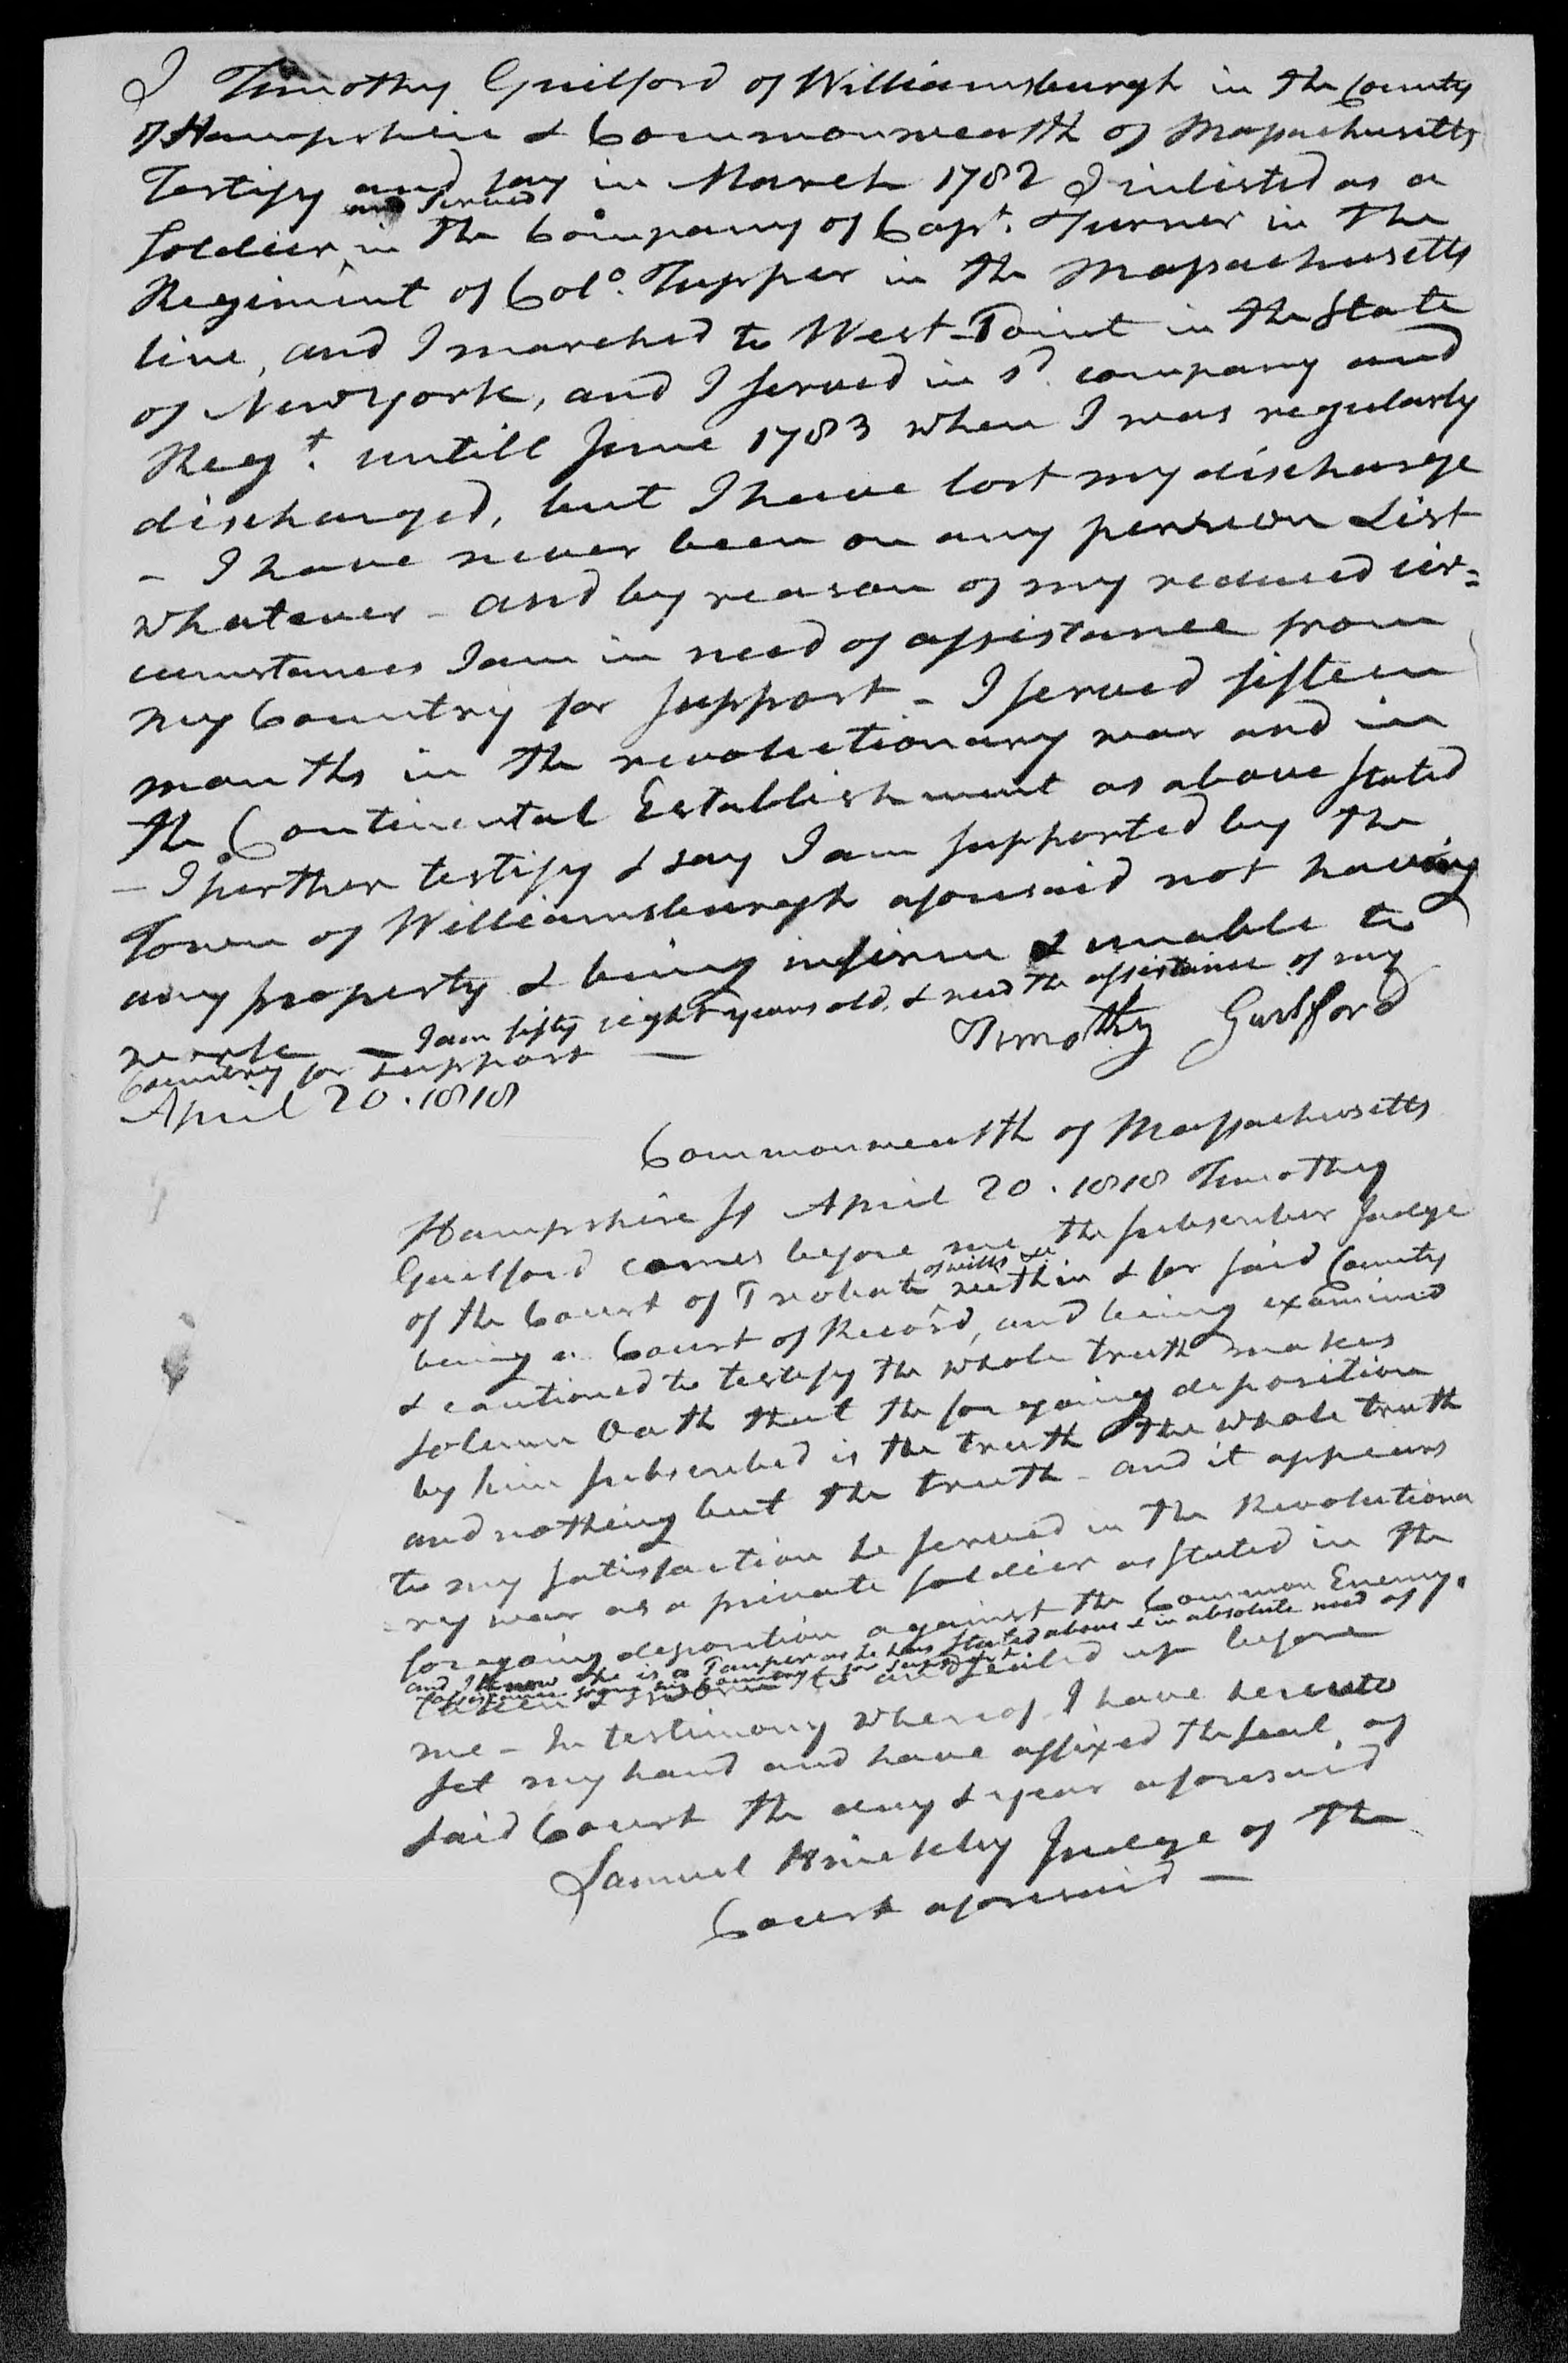I, Timothy Guilford of Williamsburgh in the 
County of Hampshire & Commonwealth of Massachusetts testify and say in March 1782 I inlisted as a Soldier and served in the Company of Capt. Turner in The Regiment of Colo. Tupper in the Massachusetts line, and I marched to West Point in the State of New York, and I served in sd, company and Regt. until June 1783 when I was regularly discharged, but I have lost my discharge--I have never been on any pension List whatever--and by reason of my reduced circumstances I am in need of assistance from my Country for support--I served fifteen months in the revolutionary war and in the Continental Establishment as above stated--I further testify & say I am supported by The Town of Williamsburgh aforesaid not having any property & being infirm & unable to work--I am fifty eight years old & need the assistance of my Country for support--
April 20, 1818    Timothy Guilford

Commonwealth of Massachusetts
Hampshire Ss April 20, 1818 Timothy Guilford came before me the subscriber Judge of the Court of Probate of Wills &c within & for said County being a Court of Record, and being examined & cautioned to testify the whole truth makes solemn oath that the foregoing deposition by him subscribed is the truth the whole truth and nothing but the truth--and it appears to my satisfaction he served in the Revolutionary War as a private soldier as stated in the foregoing deposition against the Common Enemy.  And I know he is a pauper as he has stated above & in absolute need of assistance from his Country for support.  Taken & sworn to and sealed up before me.  In testimony whereof I have hereunto set my hand and have affixed the Seal of said Court the day & year aforesaid

Samuel Hinckley
Judge of the Court aforesaid.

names: Timothy Guilford, Timothy Guilford, Samuel Hinckley, Tupper, Timothy Guilford, Turner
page: 6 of 26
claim: widow's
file: W. 21,238, Timothy Guilford, Mass.